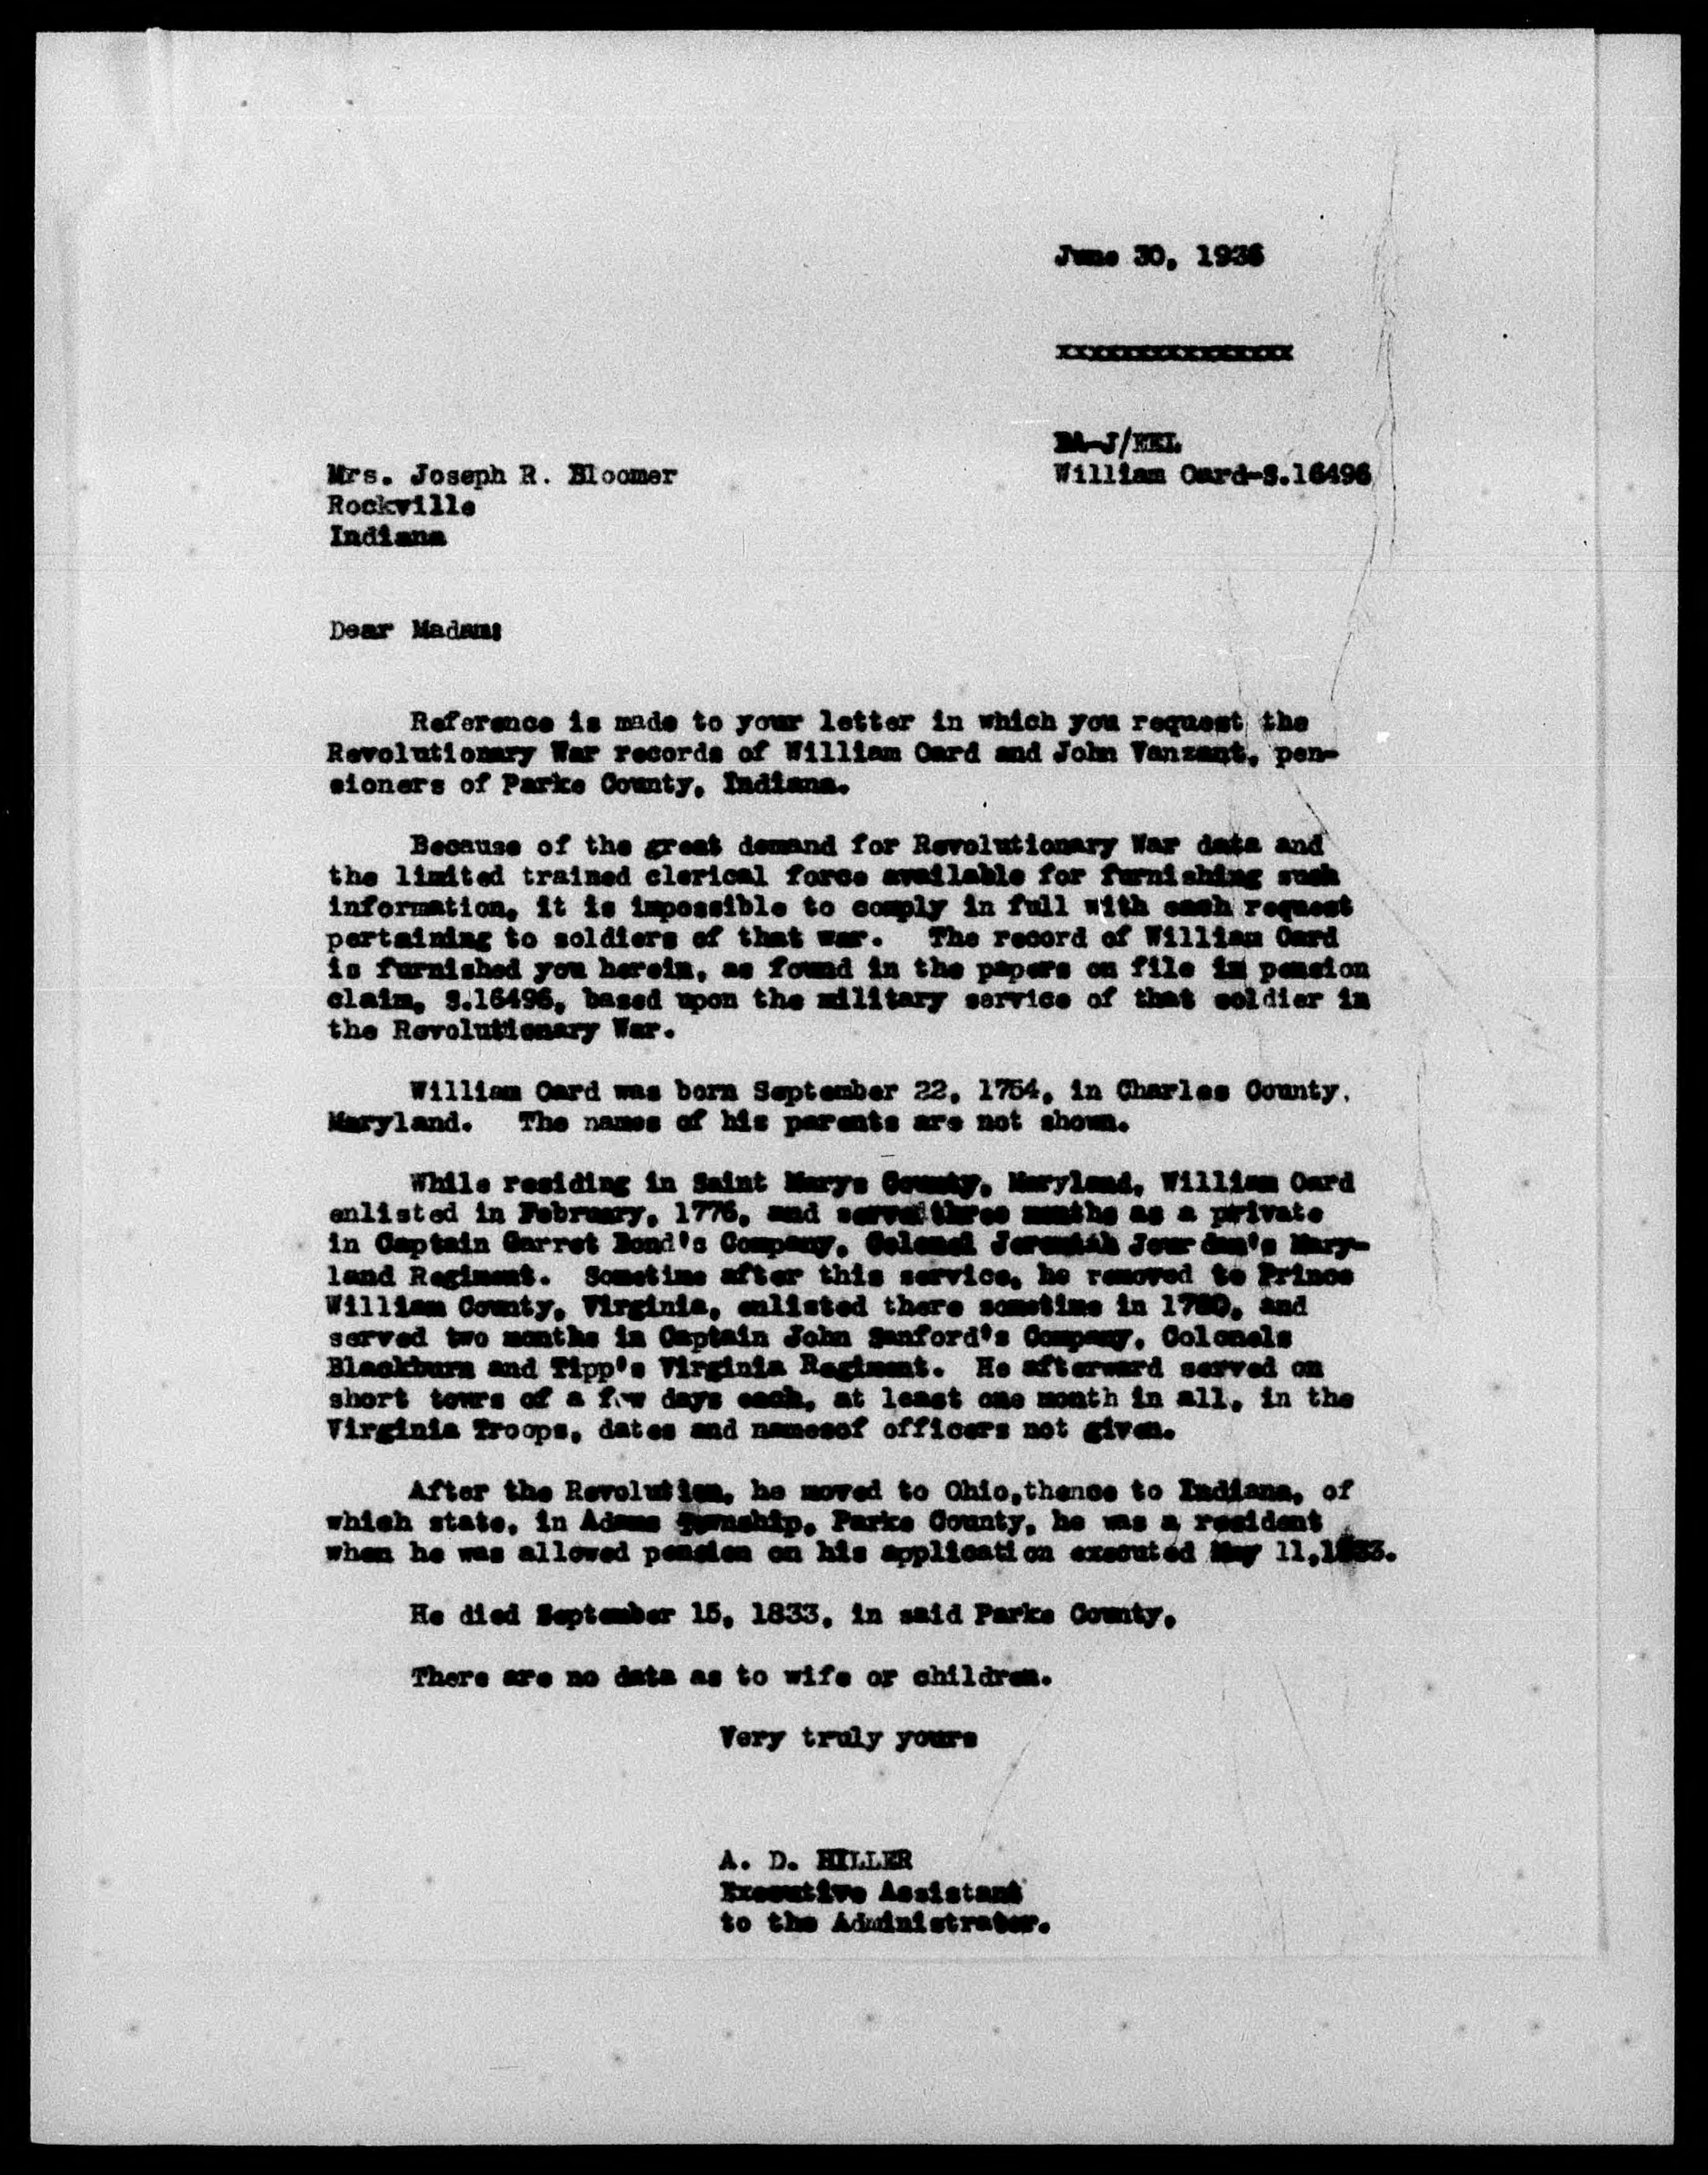June 30, 1936

BA-J/EEL
William Oard - S.16496

Mrs. Joseph R. Bloomer
Rockville
Indiana

Dear Madam;

Reference is made to your letter in which you request the revolutionary War records of William Oard and John Vanzant, pensioners of Parke County, Indiana.

Because of the great demand for Revolutionary War data and the limited trained clerical force available for furnishing such information, it is impossible to comply in full with each request pertaining to soldiers of that war. The record of William Oard is furnished you herein, as found in the papers on file in pension claims, S.16496 based upon the military service of that soldier in the revolutionary war.

William Oard was born September 22, 1754 in Charles County, Maryland. The names of his parents are not shown.

While residing in Sait Mary's County, Maryland, William Oard enlisted in February 1776 and served three months as a private in Captain Garret Bond's company, Colonel Jeremiah Jourdan's Maryland Regiment. Sometime after this service, he removed to Prince William County Virginia enlisted there sometime in 1780 and served two months in Captain John Sanford's Company, Colonels Blackburn and Tipp's Virginia Regiment. He afterward served on short tours of a few days each, at least one month in all, in the Virginia Troops, dates and names of officers not given.

After the revolution, he moved to Ohio, thence to Indiana, of which state in Adams Township, Parke County, he was a resident when he was allowed pension on his application executed May 11, 1833.

He died September 15, 1833, in said Parke County.

There are no data as to wife or children.

Very truly yours

A.D. Hiller
Executive Assistant
to the Administrator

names: Joseph R Bloomer; William Oard; John Vanzant; A D Hiller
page: 14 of 18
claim: survivor's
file: S. 16,496, for William Oard, Maryland